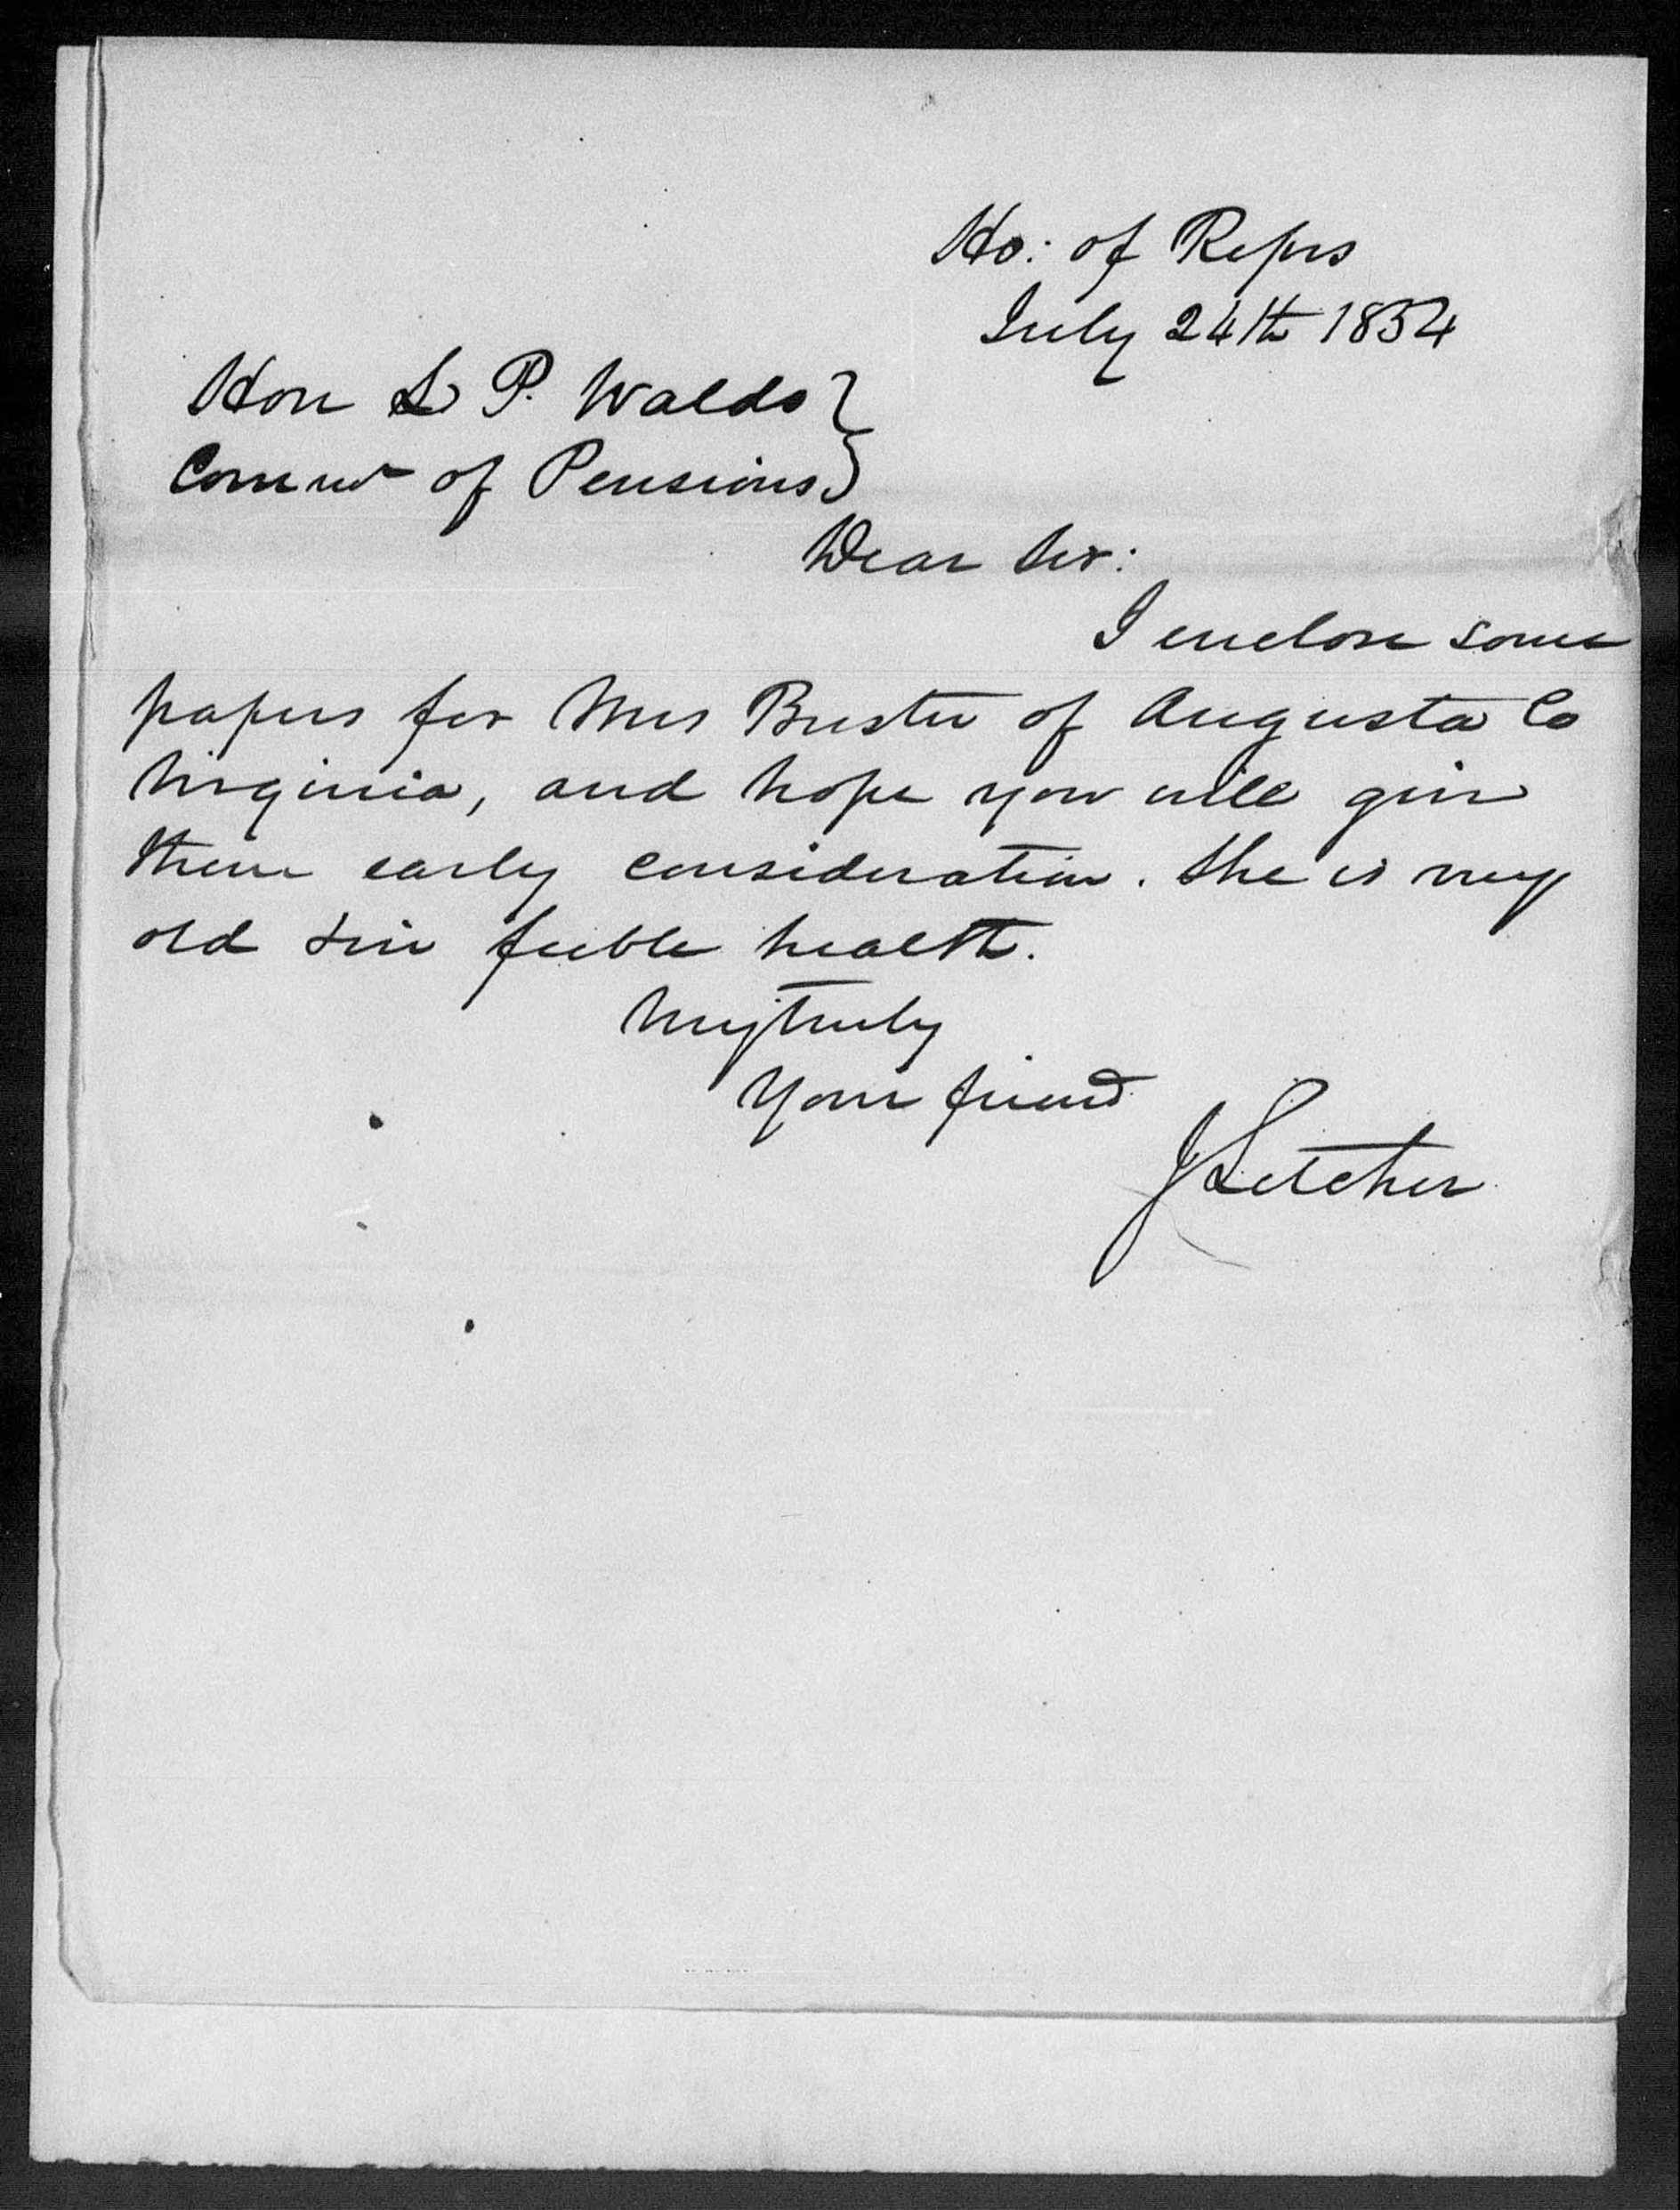Ho: of Reprs
July 24th 1834

Hon L. P. Waldo Comm of Pensions}

Dear Sir:

I enclose some papers for Mrs Buster of Augusta Co Virginia, and hope you will give them early consideration. She is very old & in feeble health.

very truly
your friend
J Letcher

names: Buster, L P Waldo, J Letcher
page: 28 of 71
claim: widow's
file: W. 25310, Claudius Buster, Va.